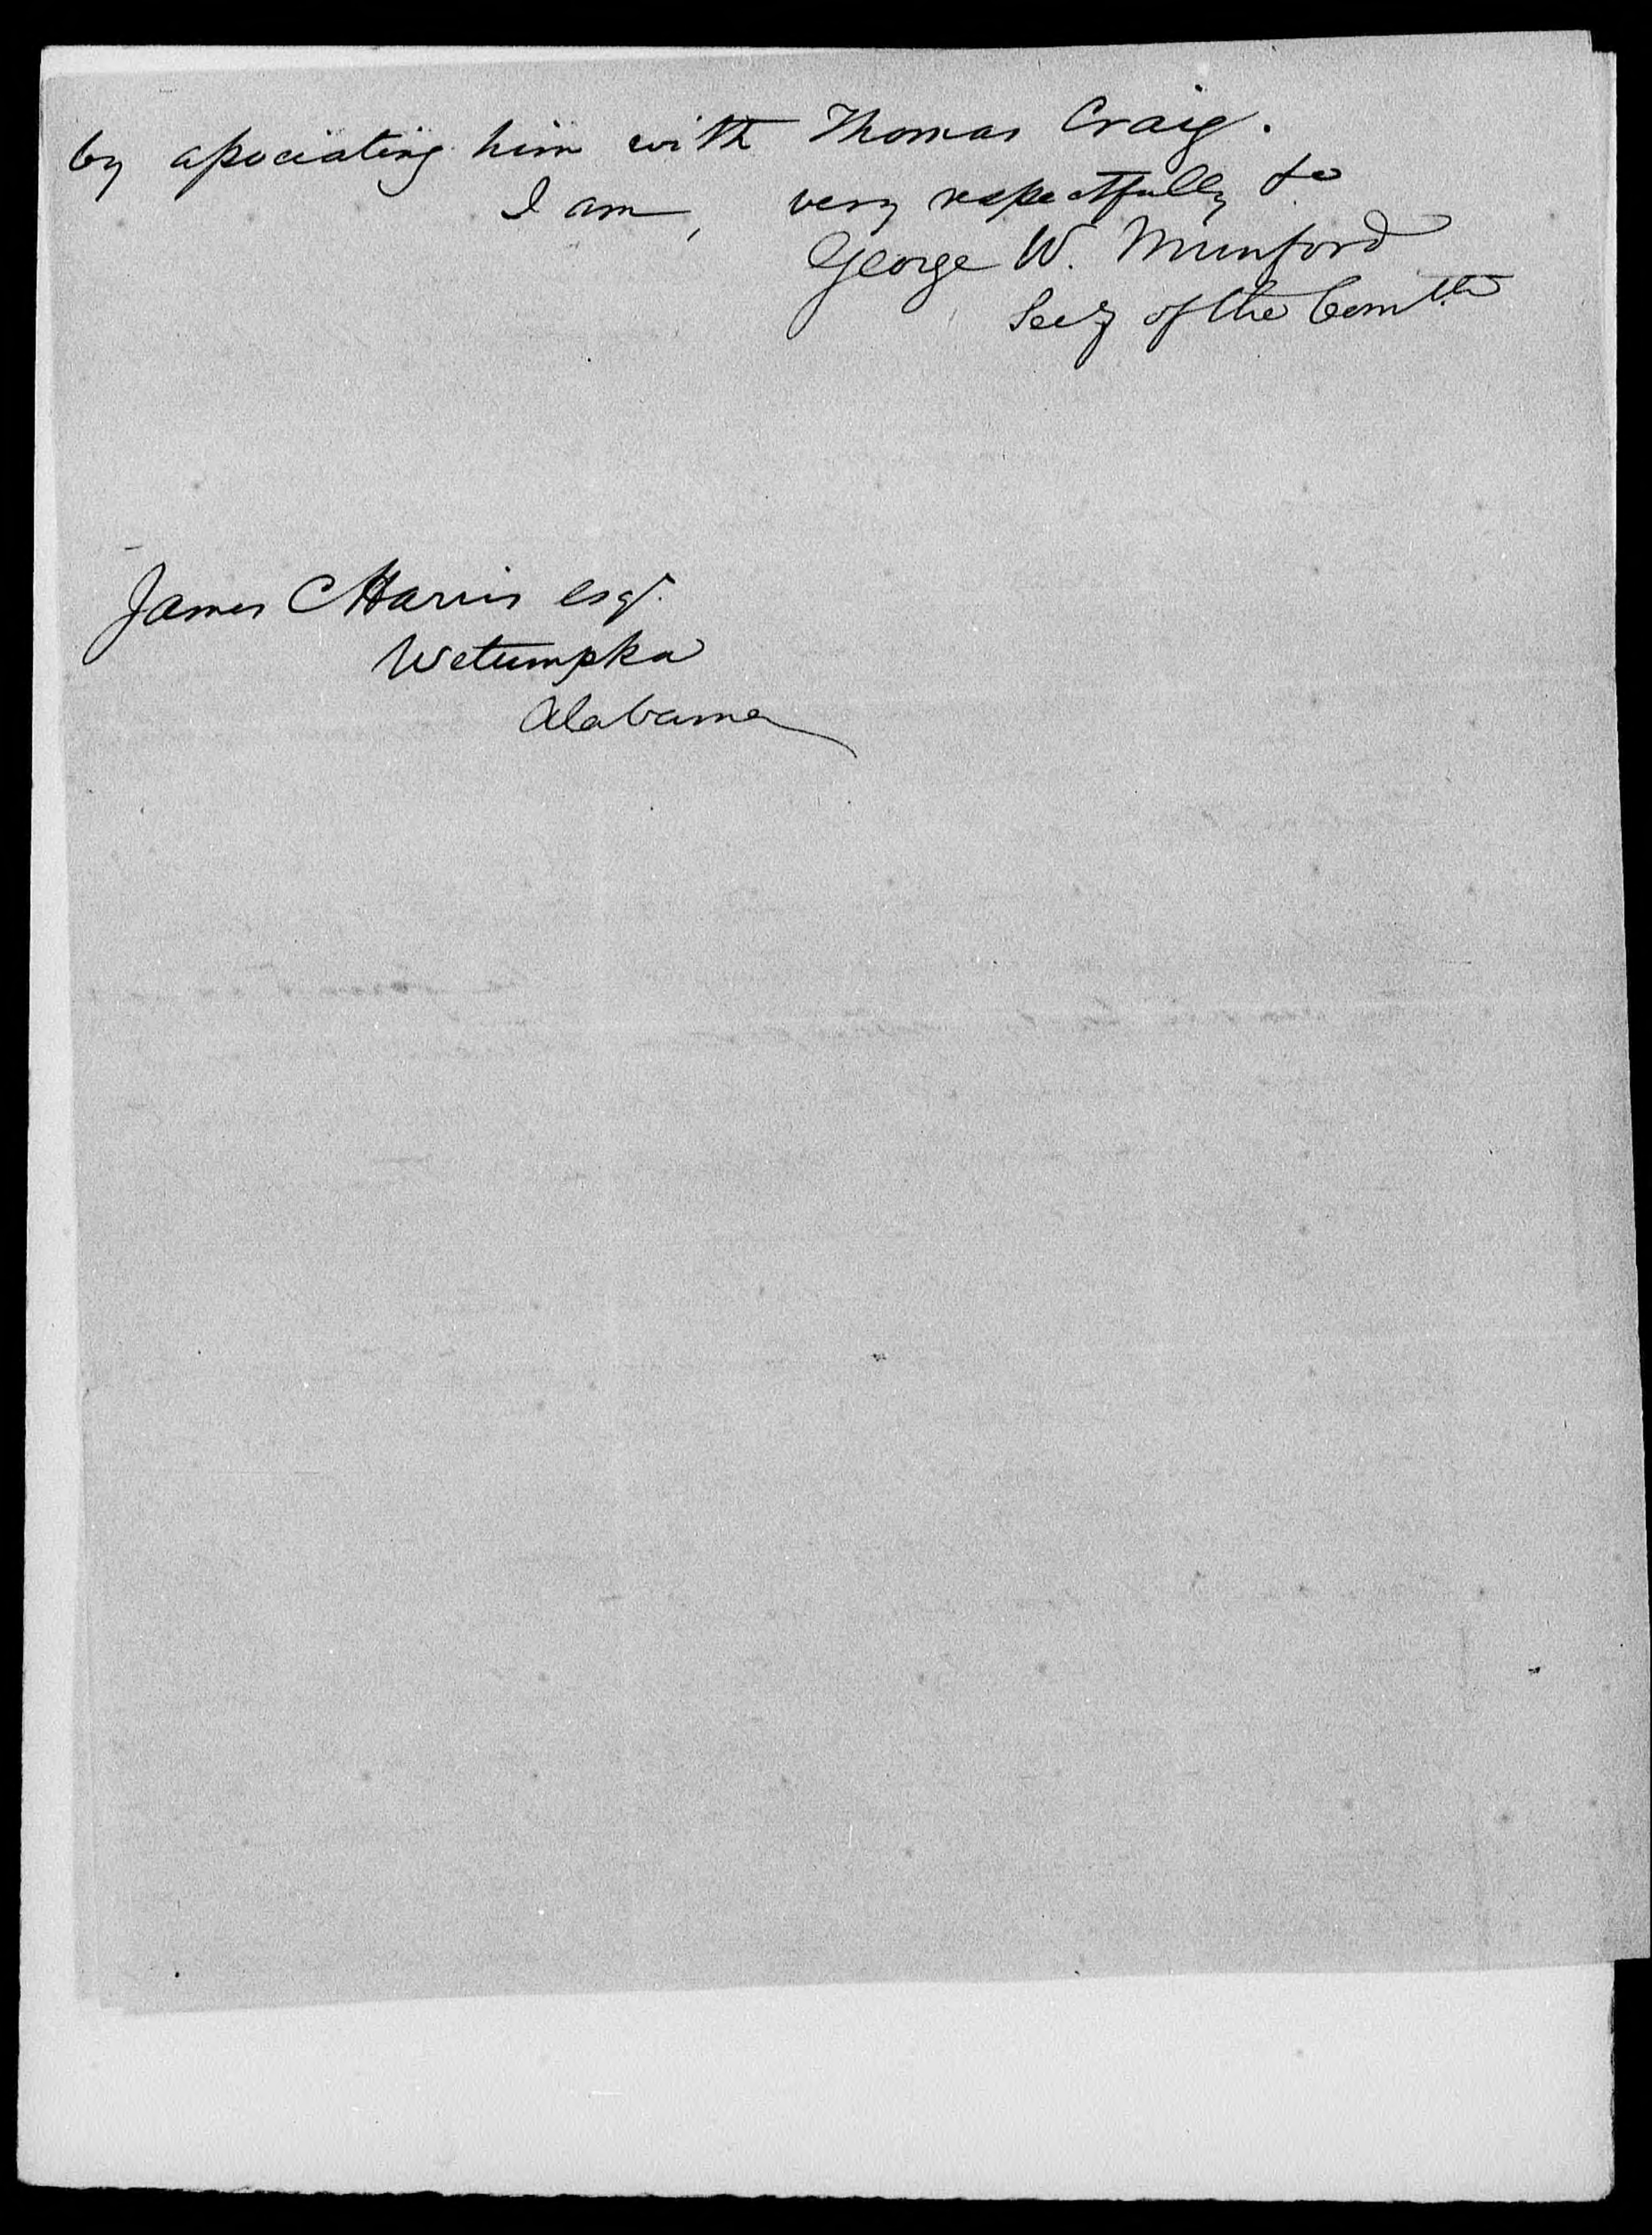by associating him with Thomas Craig.
I am very respectfully, &c.
George W. Munford
Secy of the Comth

James C Harris esqr.
Wetumpka
Alabama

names: Thomas Craig, George W Munford, James C Harris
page: 150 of 160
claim: rejected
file: R. 4666, James Harris, Va.